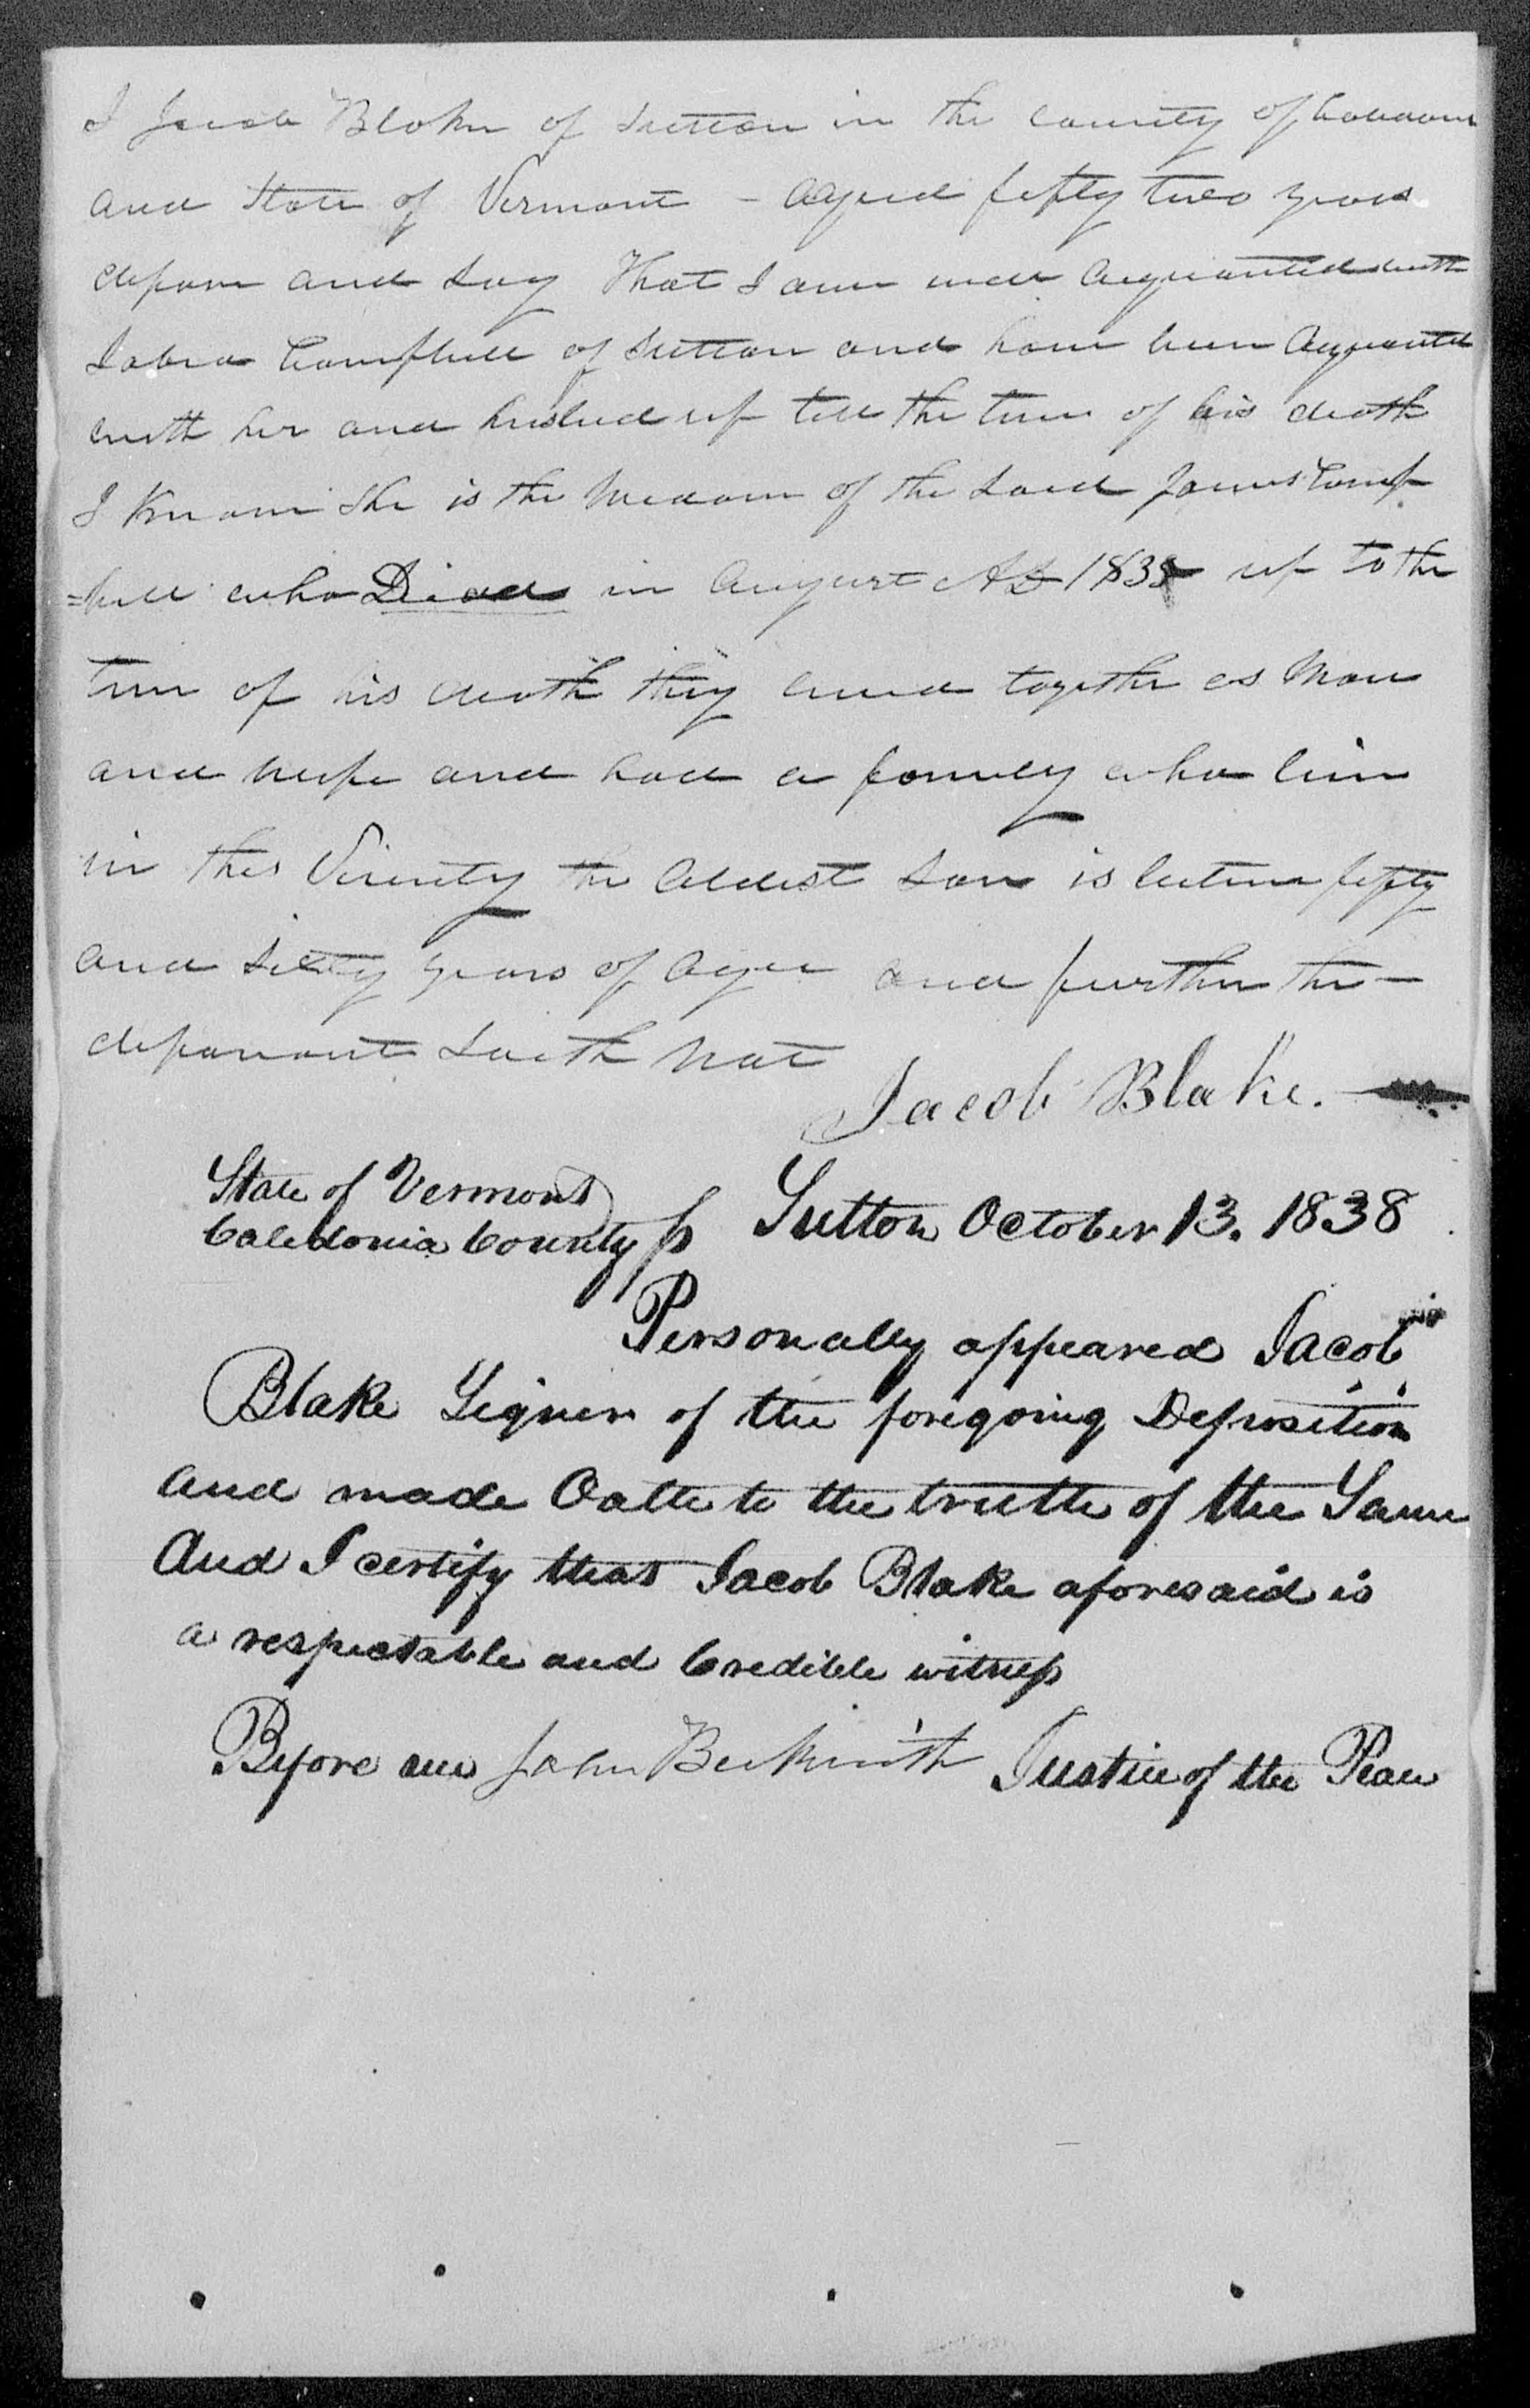I Jacob Blake of Sutton in the County of Caladonia and State of Vermont - aged fifty two years depose and say that I am well acquainted with Sabra Campbell of Sutton and have been acquainted with her and husband up till the time of his death I know she is the widow of the said James Campbell who died in August AD 1835 up to the time of his death they lived together as man and wife and had a family who lives in this Vicinity the oldest Son is between fifty and sixty years of age and further the deponent saith not
Jacob Blake


State of Vermont
Caledonia County ss Sutton October 13. 1838

Personally appeared Jacob Blake Signer of the foregoing Deposition and made Oath to the truth of the same And I certify that Jacob Blake aforesaid is a respectable and credible witness

Before me John Beckwith Justice of the Peace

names: Jacob Blake, Sabra Campbell, Jacob Blake, Jacob Blake, Jacob Blake, John Beckwith, James Campbell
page: 28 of 67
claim: widow's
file: W. 23772, James Campbell, Continental Mass.